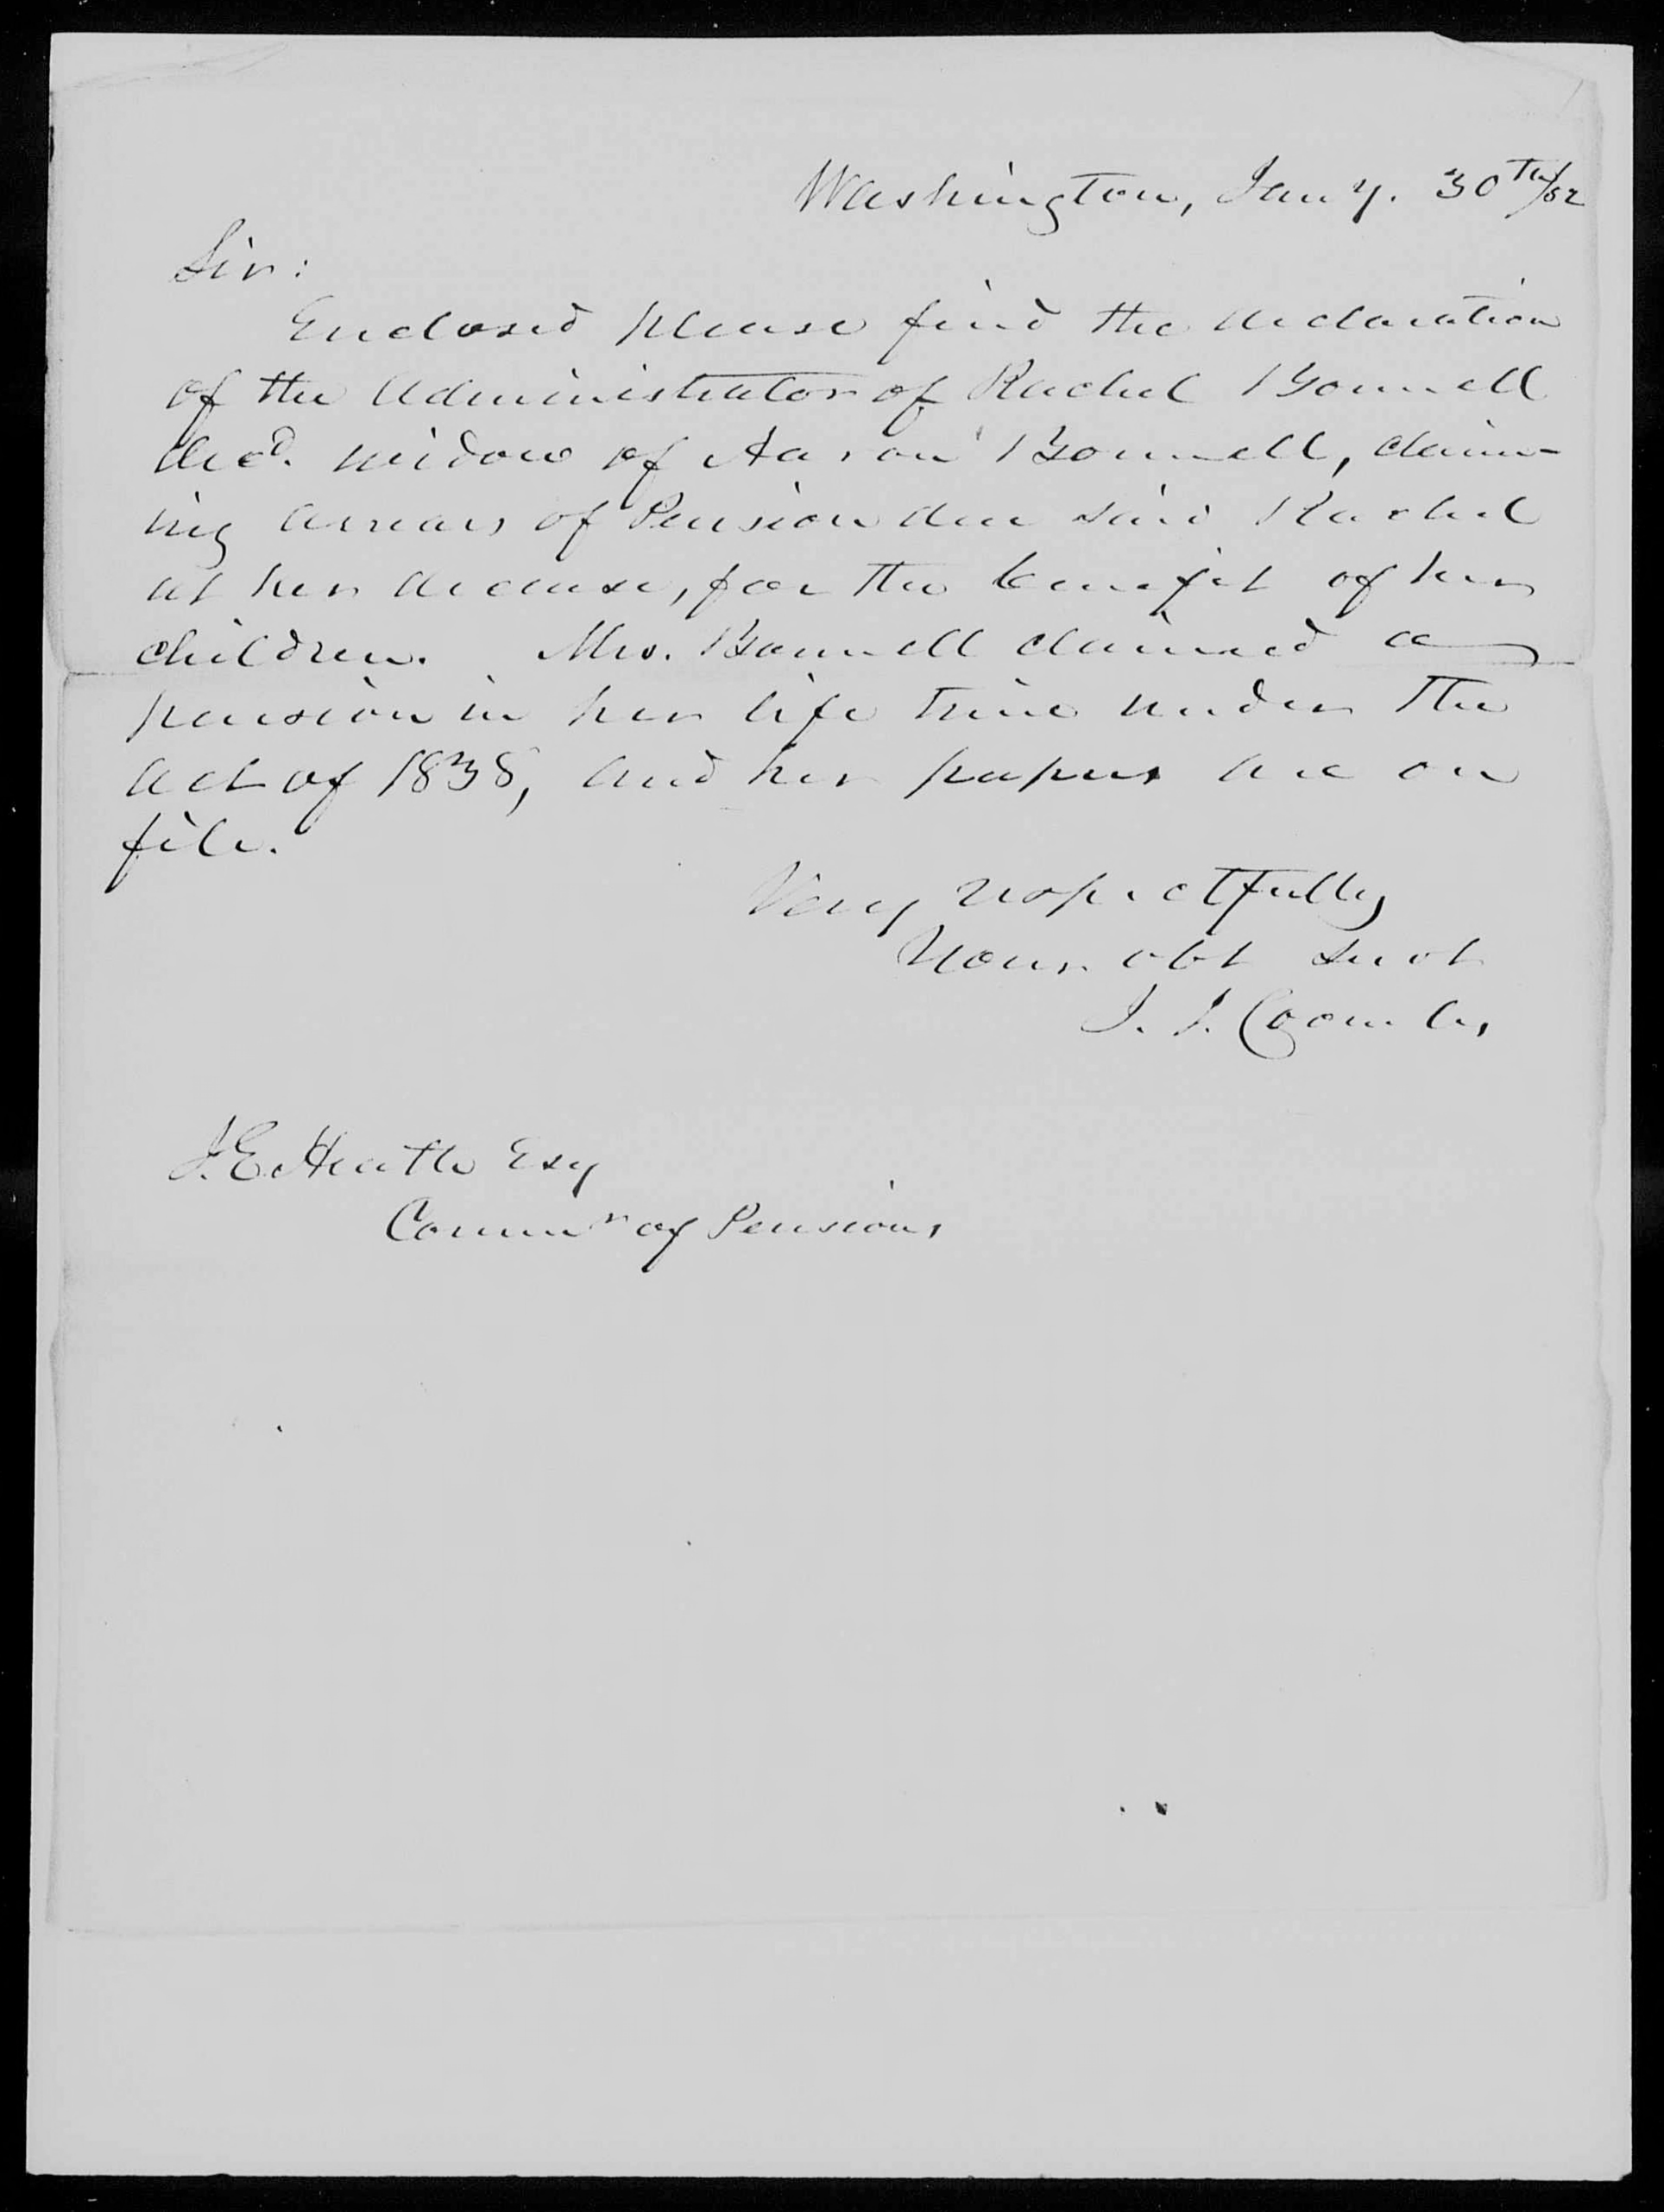Washington, Jany 30th / 52

Sir
Enclosed please find the declaration of the Administrator or Rachel Bonnell decd widow of Aaron Bonnell, claiming arrears of pension due said Rachel at her decease, for the benefit of her children.  Mrs. Bonnell claimed a pension in her life time under the Act of 1838, and her papers are on file. 
Very respectfully
Your obt servt
J.J. Coombs

J. E. Heath
Comm of Pensions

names: J E Heath, Rachel Bonnell, J J Coombs, Rachel, Aaron Bonnell, Bonnell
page: 39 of 67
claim: rejected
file: R. 1009, Aaron Bonnel, New Jersey